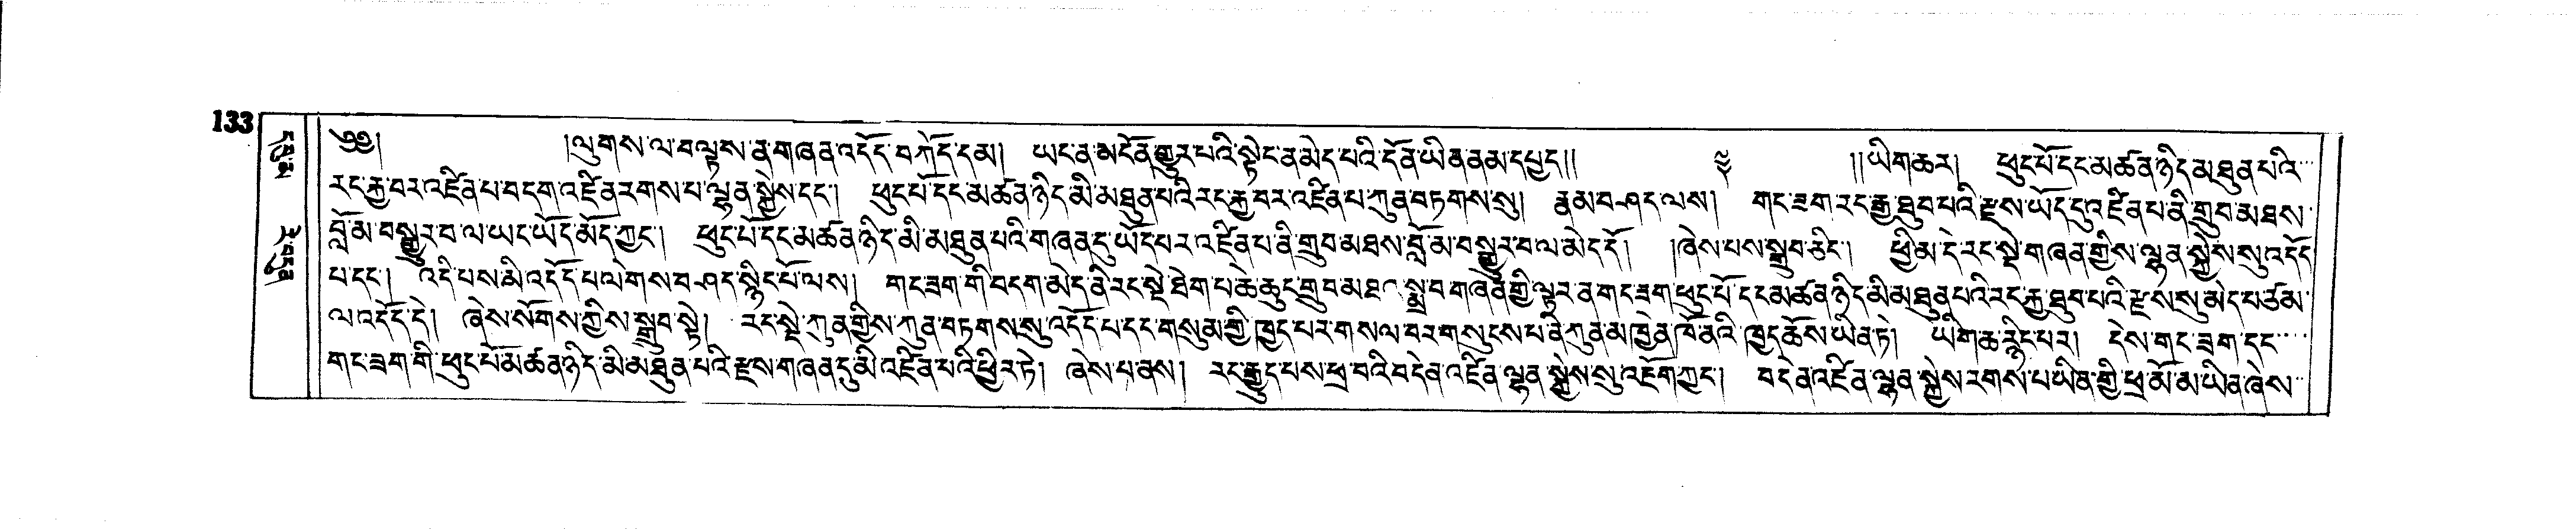༄༅། །ལུགས་ལ་བལྟས་ན་གཞན་འདོད་བཀོད་དམ། ཡང་ན་མངོན་གྱུར་པའི་སྟེང་ན་མེད་པའི་དོན་ཡིན་ནམ་དཔྱད།། ༈ །།ཡིག་ཆར། ཕུང་པོ་དང་མཚན་ཉིད་མཐུན་པའི་
རང་རྒྱ་བར་འཛིན་པ་བདག་འཛིན་རགས་པ་ལྷན་སྐྱེས་དང་། ཕུང་པོ་དང་མཚན་ཉིད་མི་མཐུན་པའི་རང་རྐྱ་བར་འཛིན་པ་ཀུན་བཏགས་སུ། རྣམ་བཤད་ལས། གང་ཟག་རང་རྒྱ་ཐུབ་པའི་རྫས་ཡོད་དུ་འཛིན་པ་ནི་གྲུབ་མཐས་
བློ་མ་བསྒྱུར་བ་ལ་ཡང་ཡོད་མོད་ཀྱང་། ཕུང་པོ་དང་མཚན་ཉིད་མི་མཐུན་པའི་གཞན་དུ་ཡོད་པར་འཛིན་པ་ནི་གྲུབ་མཐས་བློ་མ་བསྒྱུར་བ་ལ་མེད་དོ། །ཞེས་པས་སྒྲུབ་ཅིང་། ཕྱི་མ་དེ་རང་སྡེ་གཞན་གྱིས་ལྷན་སྐྱེས་སུ་འདོད་
པ་དང་། འདི་པས་མི་འདོད་པ་ལེགས་བཤད་སྙིང་པོ་ལས། གང་ཟག་གི་བདག་མེད་ནི་རང་སྡེ་ཐེག་པ་ཆེ་ཆུང་གྲུབ་མཐའ་སྨྲ་བ་གཞན་གྱི་ལྟར་ན་གང་ཟག་ཕུང་པོ་དང་མཚན་ཉིད་མི་མཐུན་པའི་རང་རྐྱ་ཐུབ་པའི་རྫས་སུ་མེད་པ་ཙམ་
ལ་འདོད་དེ། ཞེས་སོགས་ཀྱིས་སྒྲུབ་སྟེ། རང་སྡེ་ཀུན་གྱིས་ཀུན་བཏགས་སུ་འདོད་པ་དང་གསུམ་གྱི་ཁྱད་པར་གསལ་བར་གསུངས་པ་ནི་ཀུན་མཁྱེན་ཁོ་ནའི་ཁྱད་ཆོས་ཡིན་ཏེ། ཡིག་ཆ་རྙིང་པར། དེས་གང་ཟག་དང་
གང་ཟག་གི་ཕུང་པོ་མཚན་ཉིད་མི་མཐུན་པའི་རྫས་གཞན་དུ་མི་འཛིན་པའི་ཕྱིར་ཏེ། ཞེས་པ་ནས། རང་རྒྱུད་པས་ཕྲ་བའི་བདེན་འཛིན་ལྷན་སྐྱེས་སུ་འཇོག་ཀྱང་། བདེན་འཛིན་ལྷན་སྐྱེས་རགས་པ་ཡིན་གྱི་ཕྲ་མོ་མ་ཡིན་ཞེས་